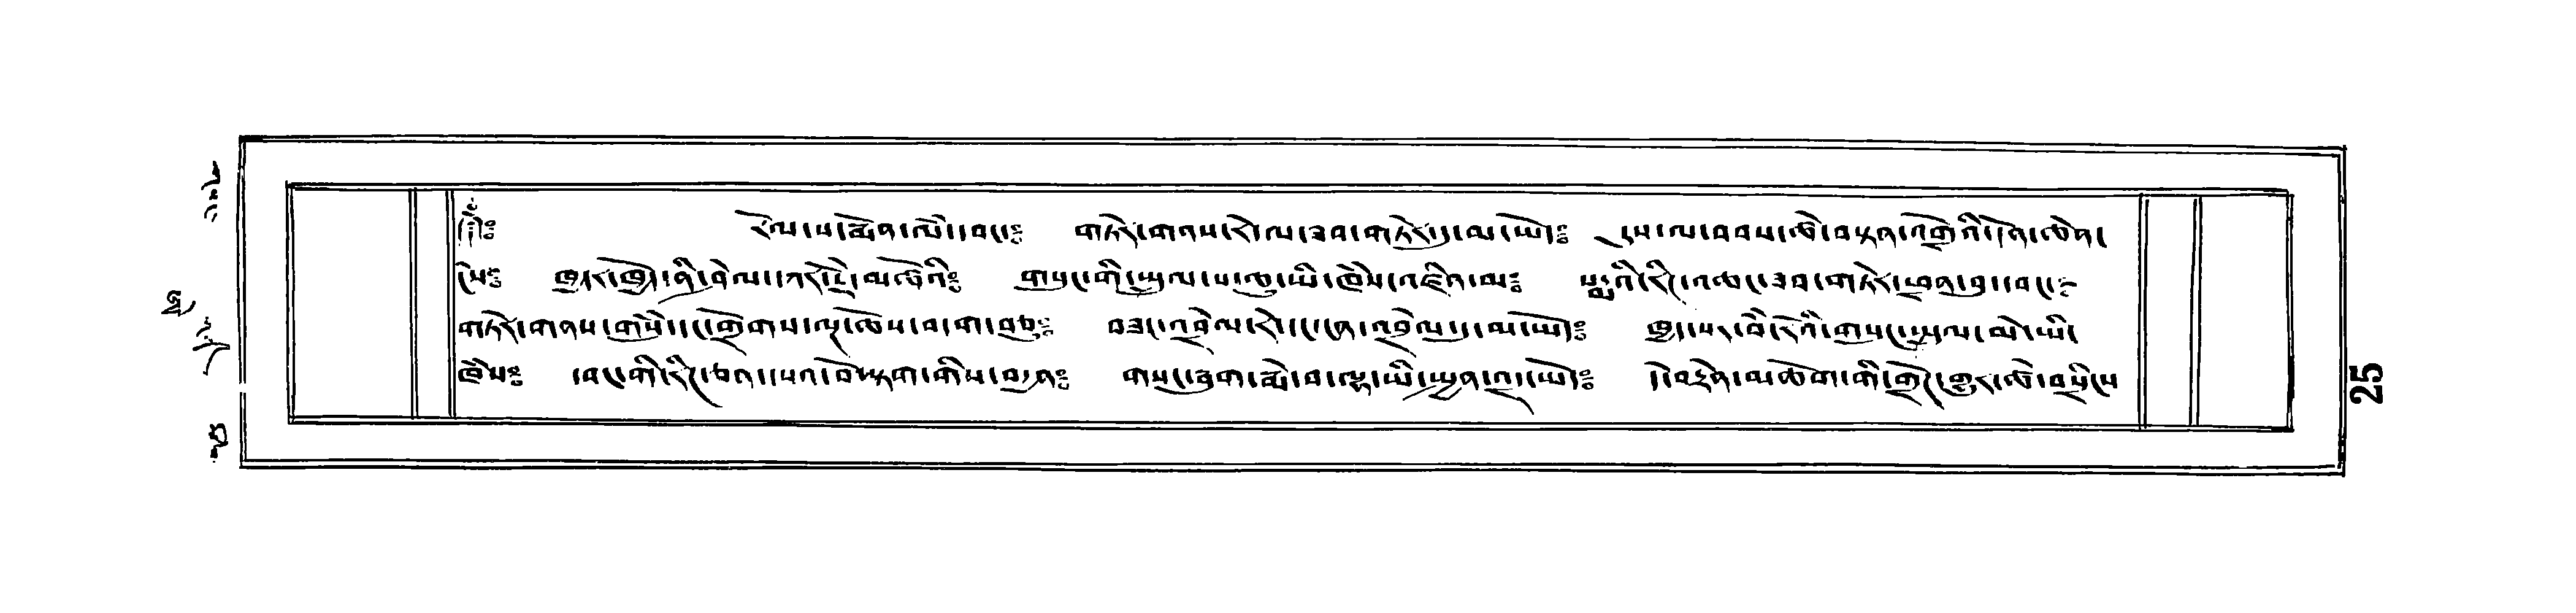རོལ་པ་སྨོན་ལམ་དབང༔ གཏེར་གནས་རེ་ལ་ཟབ་གཏེར་དུ་མ་ཡོད༔ དུས་ལ་བབས་ཚེ་བསྟན་འགྲོའི་དོན་ཆེན་
ངེས༔ ཁྱད་པར་ཁྱོད་ནི་ཤེལ་དཀར་རྡོ་རྗེ་མཚོའི༔ གསུང་གི་སྤྲུལ་པ་ཆུ་ཡི་ཁམས་འཛིན་མ༔ པདྨའི་རིགས་འཆང་ཟབ་གཏེར་ཕྲན་བུ་དབང༔ 
གཏེར་གནས་གསུམ་དང་གྲོགས་ལྔ་ཆོས་བདག་བཅུ༔ བཟང་འབྲེལ་རེ་དང་ངན་འབྲེལ་དུ་མ་ཡོད༔ ཁྱད་པར་བཻ་རོའི་གསུང་སྤྲུལ་མེ་ཡི་
ཁམས༔ དབང་གི་རིགས་ཅན་དཔའ་བོ་སྟག་གིས་བརྒྱན༔ གསང་སྦུག་སྨེ་བ་ལྷ་ཡི་སྤྱན་འདྲ་ཡོད༔ དེ་བསྟེན་མཆོག་གི་གྲོགས་གྱུར་ཚེ་བསྲིངས་